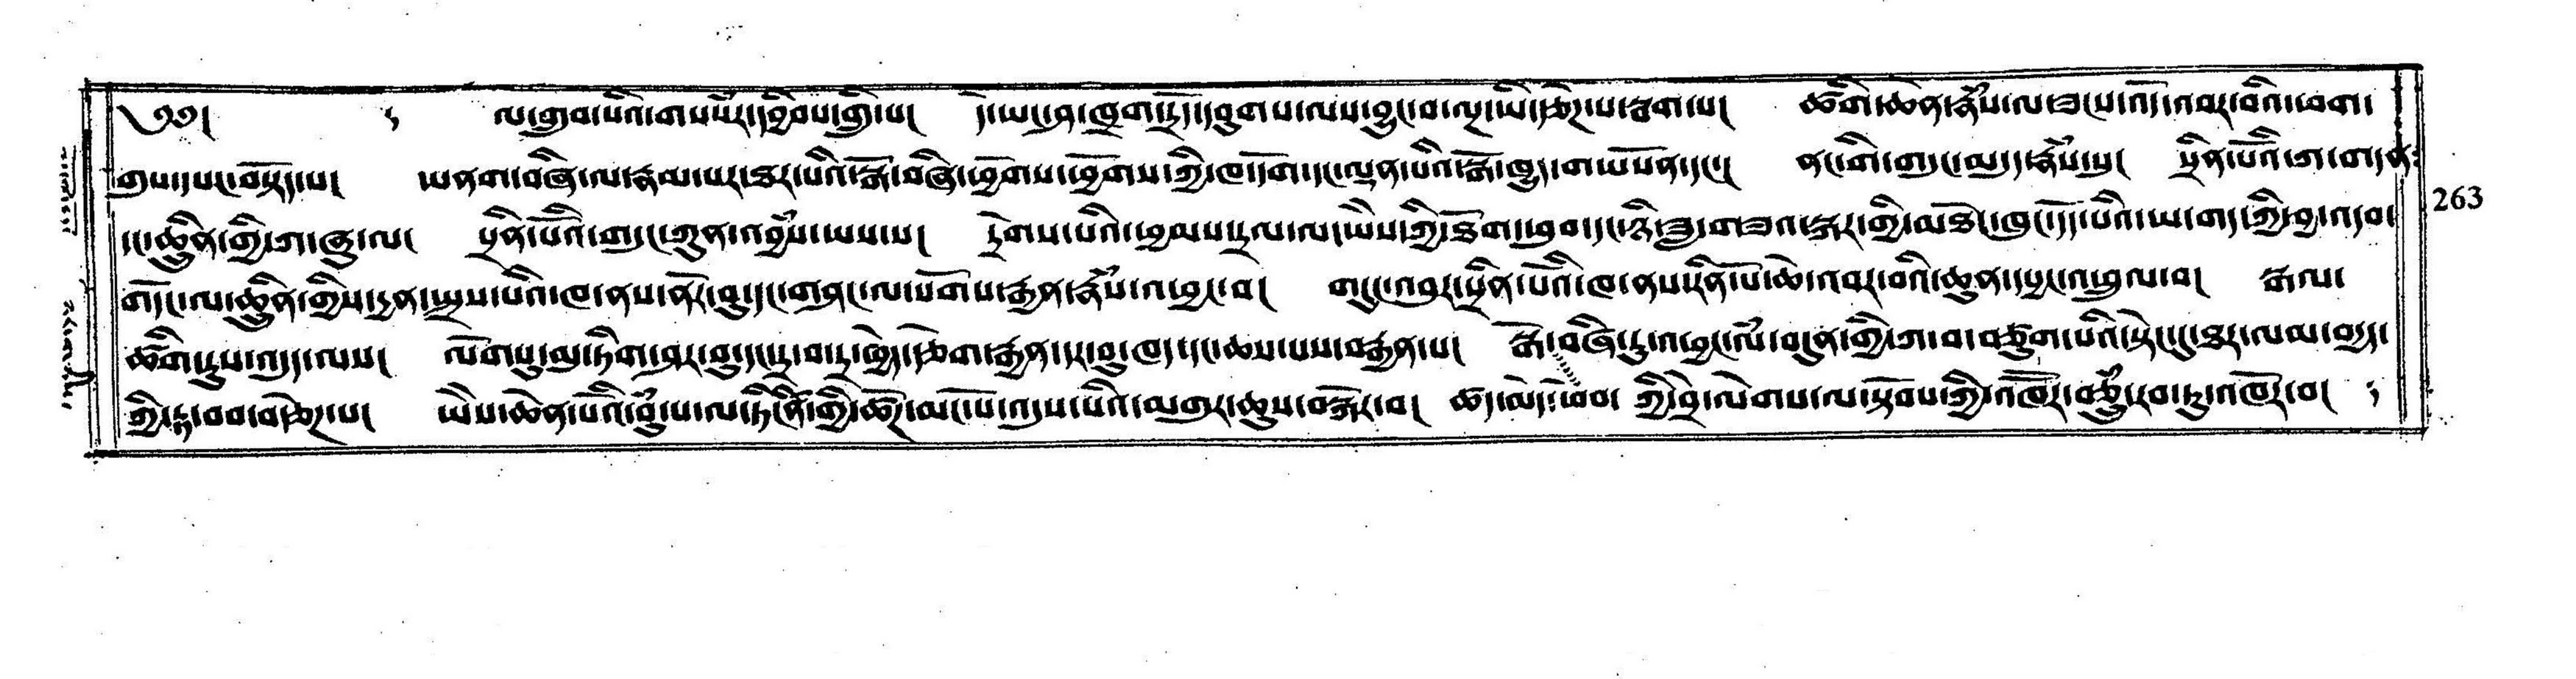ལ་གྲུབ་པའི་གསས་མཁར་དབྱིབས་གྲུ་བཞི་པ། དེ་ཡང་ཤ་ཁྲག་དྲོད་དབུགས་ལས་འབྱུང་བ་ལྔ་ཡི་རྩེགས་པ་སྦག་པ། ཚིག་ཆེན་རྣམས་ལ་ཟངས་འོད་འབར་བའི་ཕག་
གུས་དཔང་བསྟོད་པ། ཡན་ལག་བཞི་ལ་རྣམ་པར་ཐར་པའི་སྒོ་བཞི་ཕྱོགས་ཕྱོགས་ཀྱི་ཁ་དོག་དང་ལྡན་པའི་སྒོ་ཁྱུད་གཡས་གཡོན་དང་། ནང་གི་གདུང་མདུད་རྣམས་སུ། སྲིན་པོའི་ཀ་གདན་
དང་ཆུ་སྲིན་གྱི་ཀ་ཞུ་ལ། སྲིན་པོའི་གདུང་ཀུན་འབྱམས་ཡས་པ། དྲེགས་པའི་ཕྱམས་དྲལ་ལ་ཡེ་ཤེས་ཀྱི་ཐོག་ཕུབ་དང་ཉི་ཟླ་གཟའ་སྐར་གྱི་མཐོང་ཁུང་དོད་པའི་ཡ་གད་ཀྱི་བྱ་འདབ་
གདོང་ལ་ཆུ་སྲིན་གྱིས་རྒྱན་སྤྲས་པའི་ཁ་ནས་ནོར་བུ་དང་གཤང་ལ་སོགས་རྒྱན་རྣམས་འཕྱང་བ། གདུང་འབུར་སྲིན་པོའི་ཁ་ནས་རིན་པོ་ཆེ་འབར་བའི་ཆུན་དཔྱང་འཕྲུལ་བ། སྒལ་
ཚིག་རུས་འདུད་ལས། ལོགས་སུ་མུ་ཏིག་ཤར་བུ་དང་དྲ་བ་དྲ་ཁྱེད་རྩེག་རྒྱན་དར་བུ་ཁད་དང་ཆས་པས་བརྒྱན་པ། སྒོ་ཕེབ་བཞི་རུ་བྱང་ལམ་བདུན་གྱི་ཀ་བ་བཙུག་པའི་སྟེང་དུ་ཐར་ལམ་བརྒྱད་
ཀྱི་རྟ་བབ་བརྩེགས་པ། ཡེ་ཤེས་ཆེན་པོའི་བུམ་པ་ལ་ཏིང་འཛིན་གྱི་ཚོགས་མང་པོ་འདུས་པའི་མགུར་ཆུས་བསྐོར་བ། ཚད་མེད་ཀྱི་བྲེ་ལེགས་ལ་སྟོབས་ཀྱི་འཁོར་ལོ་བཅུ་གསུམ་རབ་ཏུ་འཁོར་བ།